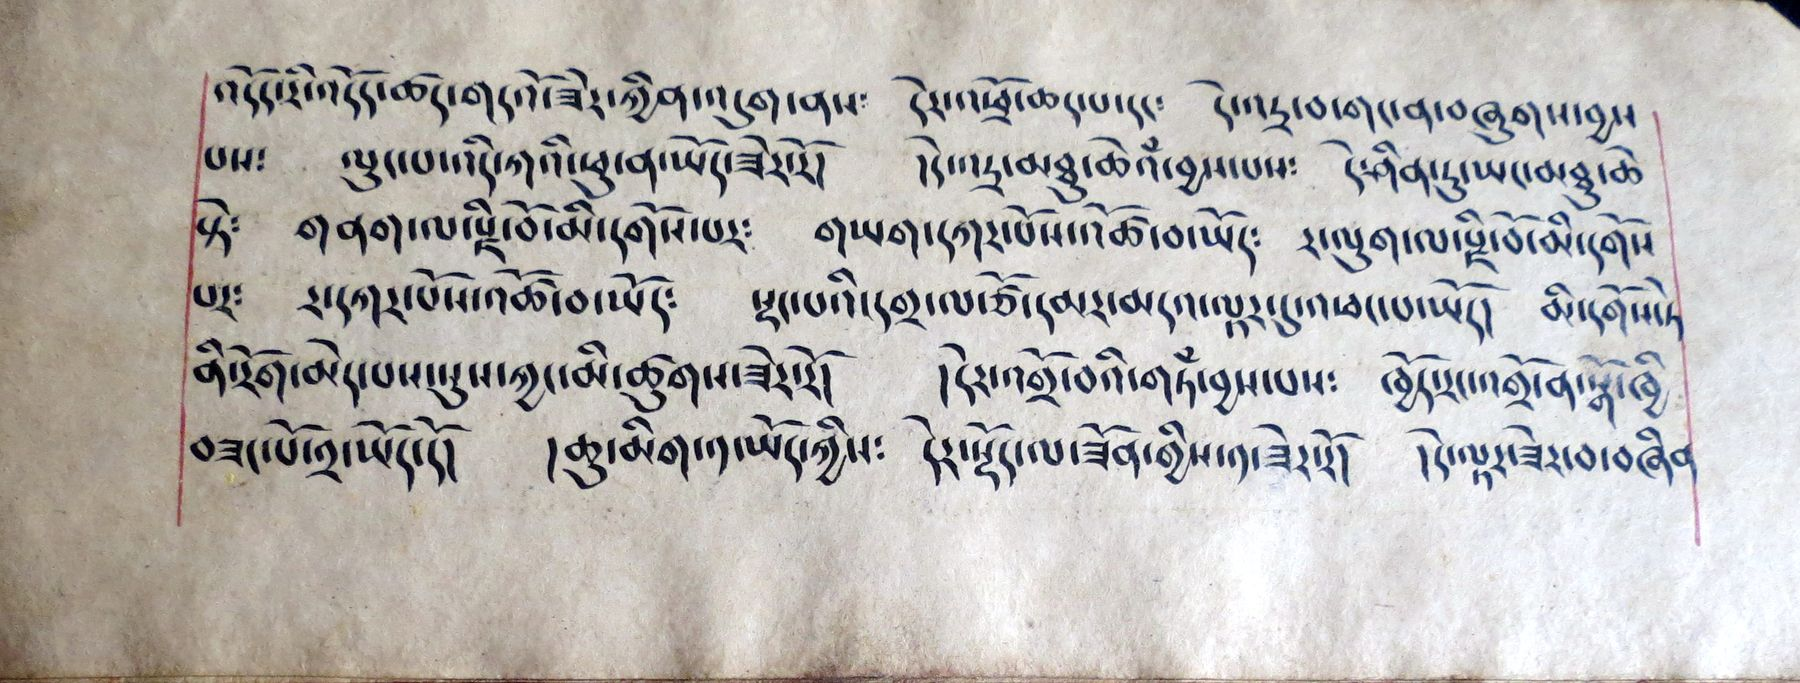འདོད་རི་འདོད་ཚད་གདའ་འོ་ཟེར་གྱིན་འདུག་ནས། དེར་འཕྲོ་ཆད་པ་དང་། དེ་འདྲ་བ་གང་ན་བཞུགས་བྱས་
པས། ལུང་པ་འདི་ཀའི་ཕུ་ན་ཡོད་ཟེར་རོ། །དེ་འདྲ་བ་མཐུ་ཆེ་འམ་བྱས་པས། དེ་ཤིན་ཏུ་ཡང་མཐུ་ཆེ་
སྟེ། གཡག་ལ་རྫིའུ་མི་དགོས་པར་གཡག་དཀར་པོས་འཚོ་བ་ཡོད། ར་ལུག་ལ་རྫིའུ་མི་དགོས་
པར་ར་དཀར་པོས་འཚོ་བ་ཡོད། སྡང་བའི་དགྲ་ལ་ཙོ་དམར་མདའ་ལྟར་འཕེན་པ་ཡོད། ༼གཡོག༽མི་དགོས་ཏེ་
གྲོགས་མེད་པས་སུས་ཀྱང་མི་ཚུགས་སོ་ཟེར་རོ། །དེར་འགྲོ་བའི་གཏམ་བྱས་པས། ཁྱོད་རང་འགྲོ་ན་སྒོ་ན་ཁྱི་
བཟང་པོ་གཉིས་ཡོད་དོ། ཆུ་མིག་གཅིག་ཡོད་ཀྱི། དེར་སྡོད་ལ་ཟོན་གྱིས་ཤིག་ཟེར་རོ། །དེ་ལྟར་ཟེར་བ་བཞིན་